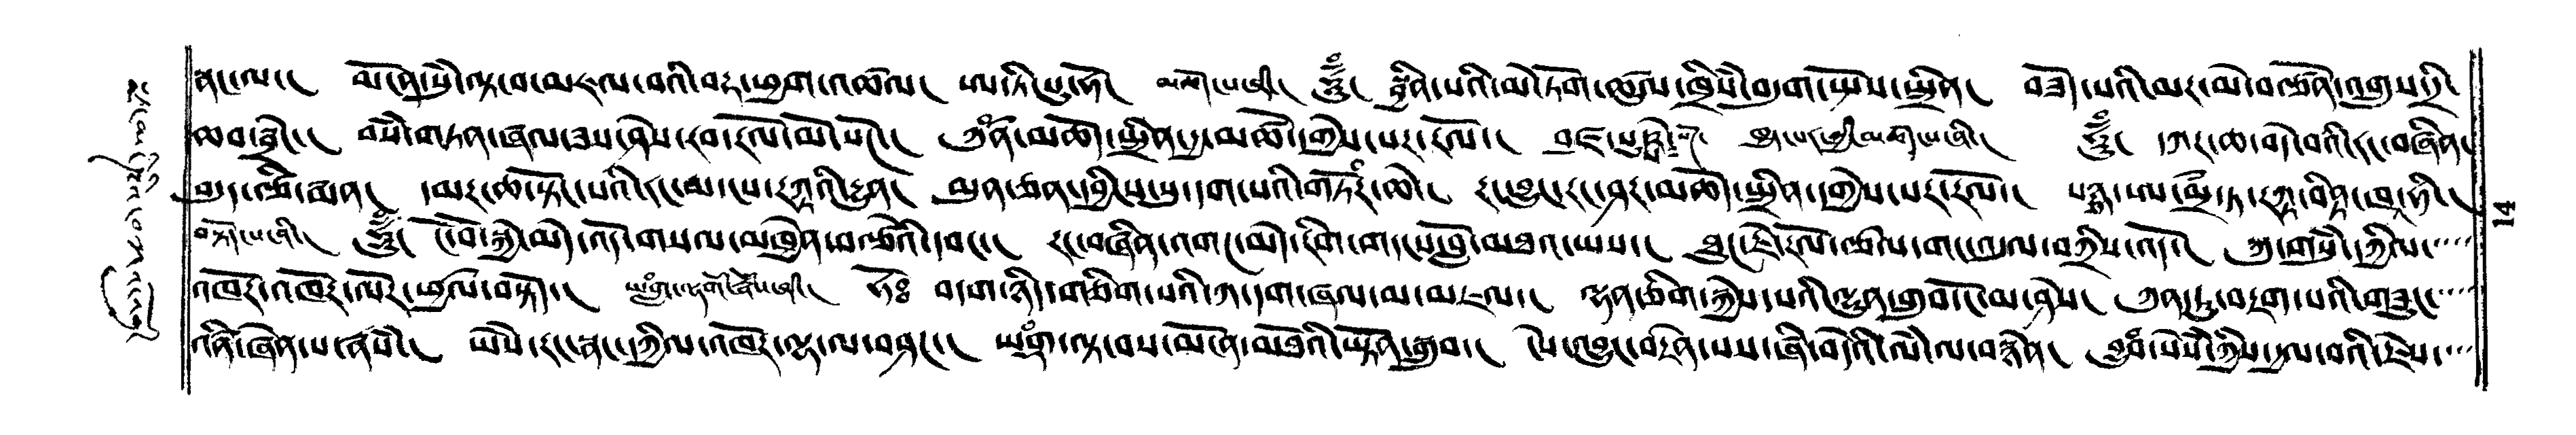སྣང་ལ། །མངོན་གསུམ་ལྟ་བ་མཇལ་བའི་བརྡ་ཕྱག་འཚལ། །ཨ་ཏི་པུ་ཧོ། མཆོད་པ་ནི། སྦྱིན་པའི་མེ་ཏོག་ཚུལ་ཁྲིམས་བདུག་སྤོས་སྤྲིན། །བཟོད་པའི་མར་མེ་བརྩོན་འགྲུས་དྲི་
ཆབ་སྦྲེང་། །བསམ་གཏན་ཞལ་ཟས་ཤེས་རབ་རོལ་མོ་སོགས། །ཀུན་བཟང་མཆོད་སྤྲིན་རྒྱ་མཚོ་དགྱེས་པར་རོལ། །བཛྲ་པུཥྤེ༴ སོགས། ཁྱད་པར་གྱི་མཆོད་པ་ནི། ཧཱུྃ། དཀར་ཆ་བདེ་བའི་རང་བཞིན་
བདུད་རྩི་སྨན། །དམར་ཆ་སྟོང་པའི་རང་མདངས་རཀྟའི་རྒྱུན། །མུན་ཅན་དབྱིངས་སུ་དག་པའི་གཏོར་མ་ཆེ། །རང་བྱུང་རང་ཤར་མཆོད་སྤྲིན་དགྱེས་པར་རོལ། །པཉྩ་ཨ་མྲྀ་ཏ་རཀྟ་བ་ལིངྟ་ཁཱ་ཧིཿ 
བསྟོད་པ་ནི། ཧཱུྃ། ངོ་བོ་སྐྱེ་མེད་འོད་གསལ་མཁྱེན་བརྩེའི་དབང་། །རང་བཞིན་འགག་མེད་རིག་གདངས་བློ་མཐའ་ཡས། །ཐུགས་རྗེའི་རོལ་རྩལ་གང་འདུལ་བཀྲ་ཤིས་འོད། །སྐུ་གསུམ་དཀྱིལ་
འཁོར་འཁོར་ལོར་ཕྱག་འཚལ་བསྟོད། །ཡན་ལག་ལྷག་མ་རྣམས་ནི། ཧོ། བདག་ཉིད་གཅིག་པའི་ཀ་དག་ཞལ་མ་མཇལ། །ལྷན་གཅིག་སྐྱེས་པའི་ལྷུན་གྲུབ་ངོ་མ་ཤེས། །ཀུན་ཏུ་བཏགས་པའི་གཟུང་
འཛིན་ཞེན་པ་རྣམས། །ཡེ་ཤེས་རང་སྣང་དཀྱིལ་འཁོར་ལྷ་ལ་བཤགས། །ཡང་བདག་ལྟ་བས་མངོན་མཐོའི་ཡོན་ཏན་སྒྲུབ། །ངེས་འབྱུང་བརྟན་པས་ཞི་བདེའི་ལམ་ལ་བསྙེན། །བྱང་ཆུབ་སེམས་ཀྱིས་རྒྱལ་བའི་རྗེས་